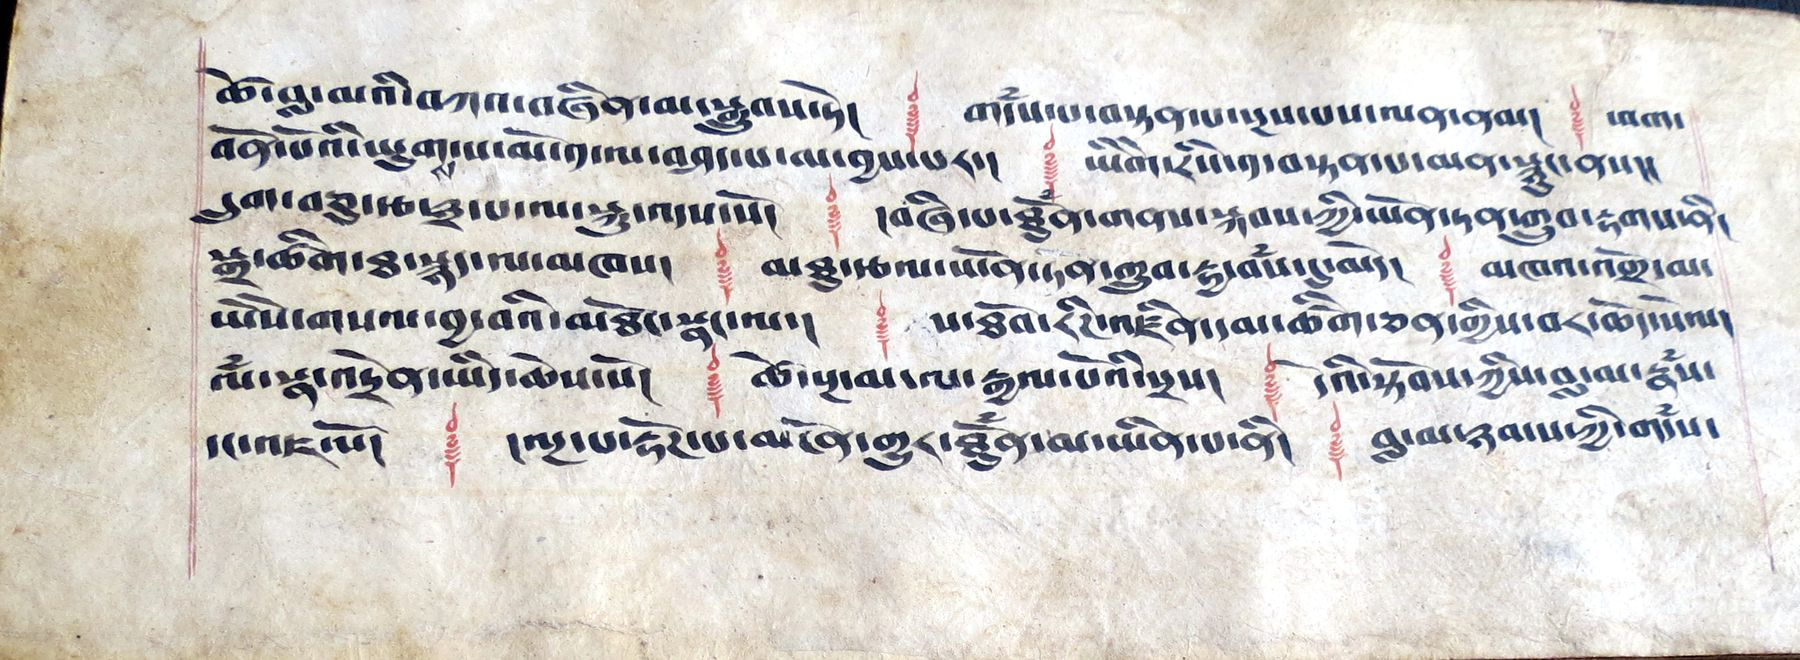ཚེ་བླ་མའི་བཀའ་བཞིན་མ་བསྒྲུབ་སྟེ། གདམས་པ་བསྟན་པ་སྔ་བས་ལེན་ནམ། ཕག་
བོན་པོའི་ཡུག་ས་མོ་ཞིག་ལ་བཤད་པ་མ་བྱས་པར། ཡི་གེ་རིས་ཤིག་བསྟན་པས་ལེན་ནམ། བསྙུང་ནས་
དྲུག་ཅུ་རྩ་གསུམ་པ་ལ་སྐུ་འདས་སོ། ། བཞི་པ་ཐུན་མོང་དང་གནས་སྐབས་ཀྱི་ཡོན་ཏན་གྲུབ་རྟགས་ནི། 
སྒྲ་ཚིག་ཐ་སྙད་ལ་མཁས། མཐུ་རྩལ་ཡོན་ཏན་གྲུབ་རྟགས་བསམ་དུ་མེད། མཁའ་འགྲོ་མ་
ཡེ་ཤེས་གསལ་བྱ་བའི་མཐོང་སྣང་ལ། ས་ཐོབ་རིག་འཛིན་དམ་ཚིག་ཅན་གྱི་བར་ཆོད་སེལ། 
ལམ་སྣ་འདྲེན། ཡིད་ཆེས་སོ། ། ཚེ་སྔ་མ་རྒྱལ་པོའི་སྲས། དེ་ཡི་སྟོབས་ཀྱིས་བླ་མ་རྣམས་
དང་མཇལ་ལོ། ། ལྔ་པ་རྟོགས་པ་མངོན་གྱུར་ཐུན་མོང་མ་ཡིན་པ་ནི། བླ་མས་ཉམས་ཀྱི་གདམས་